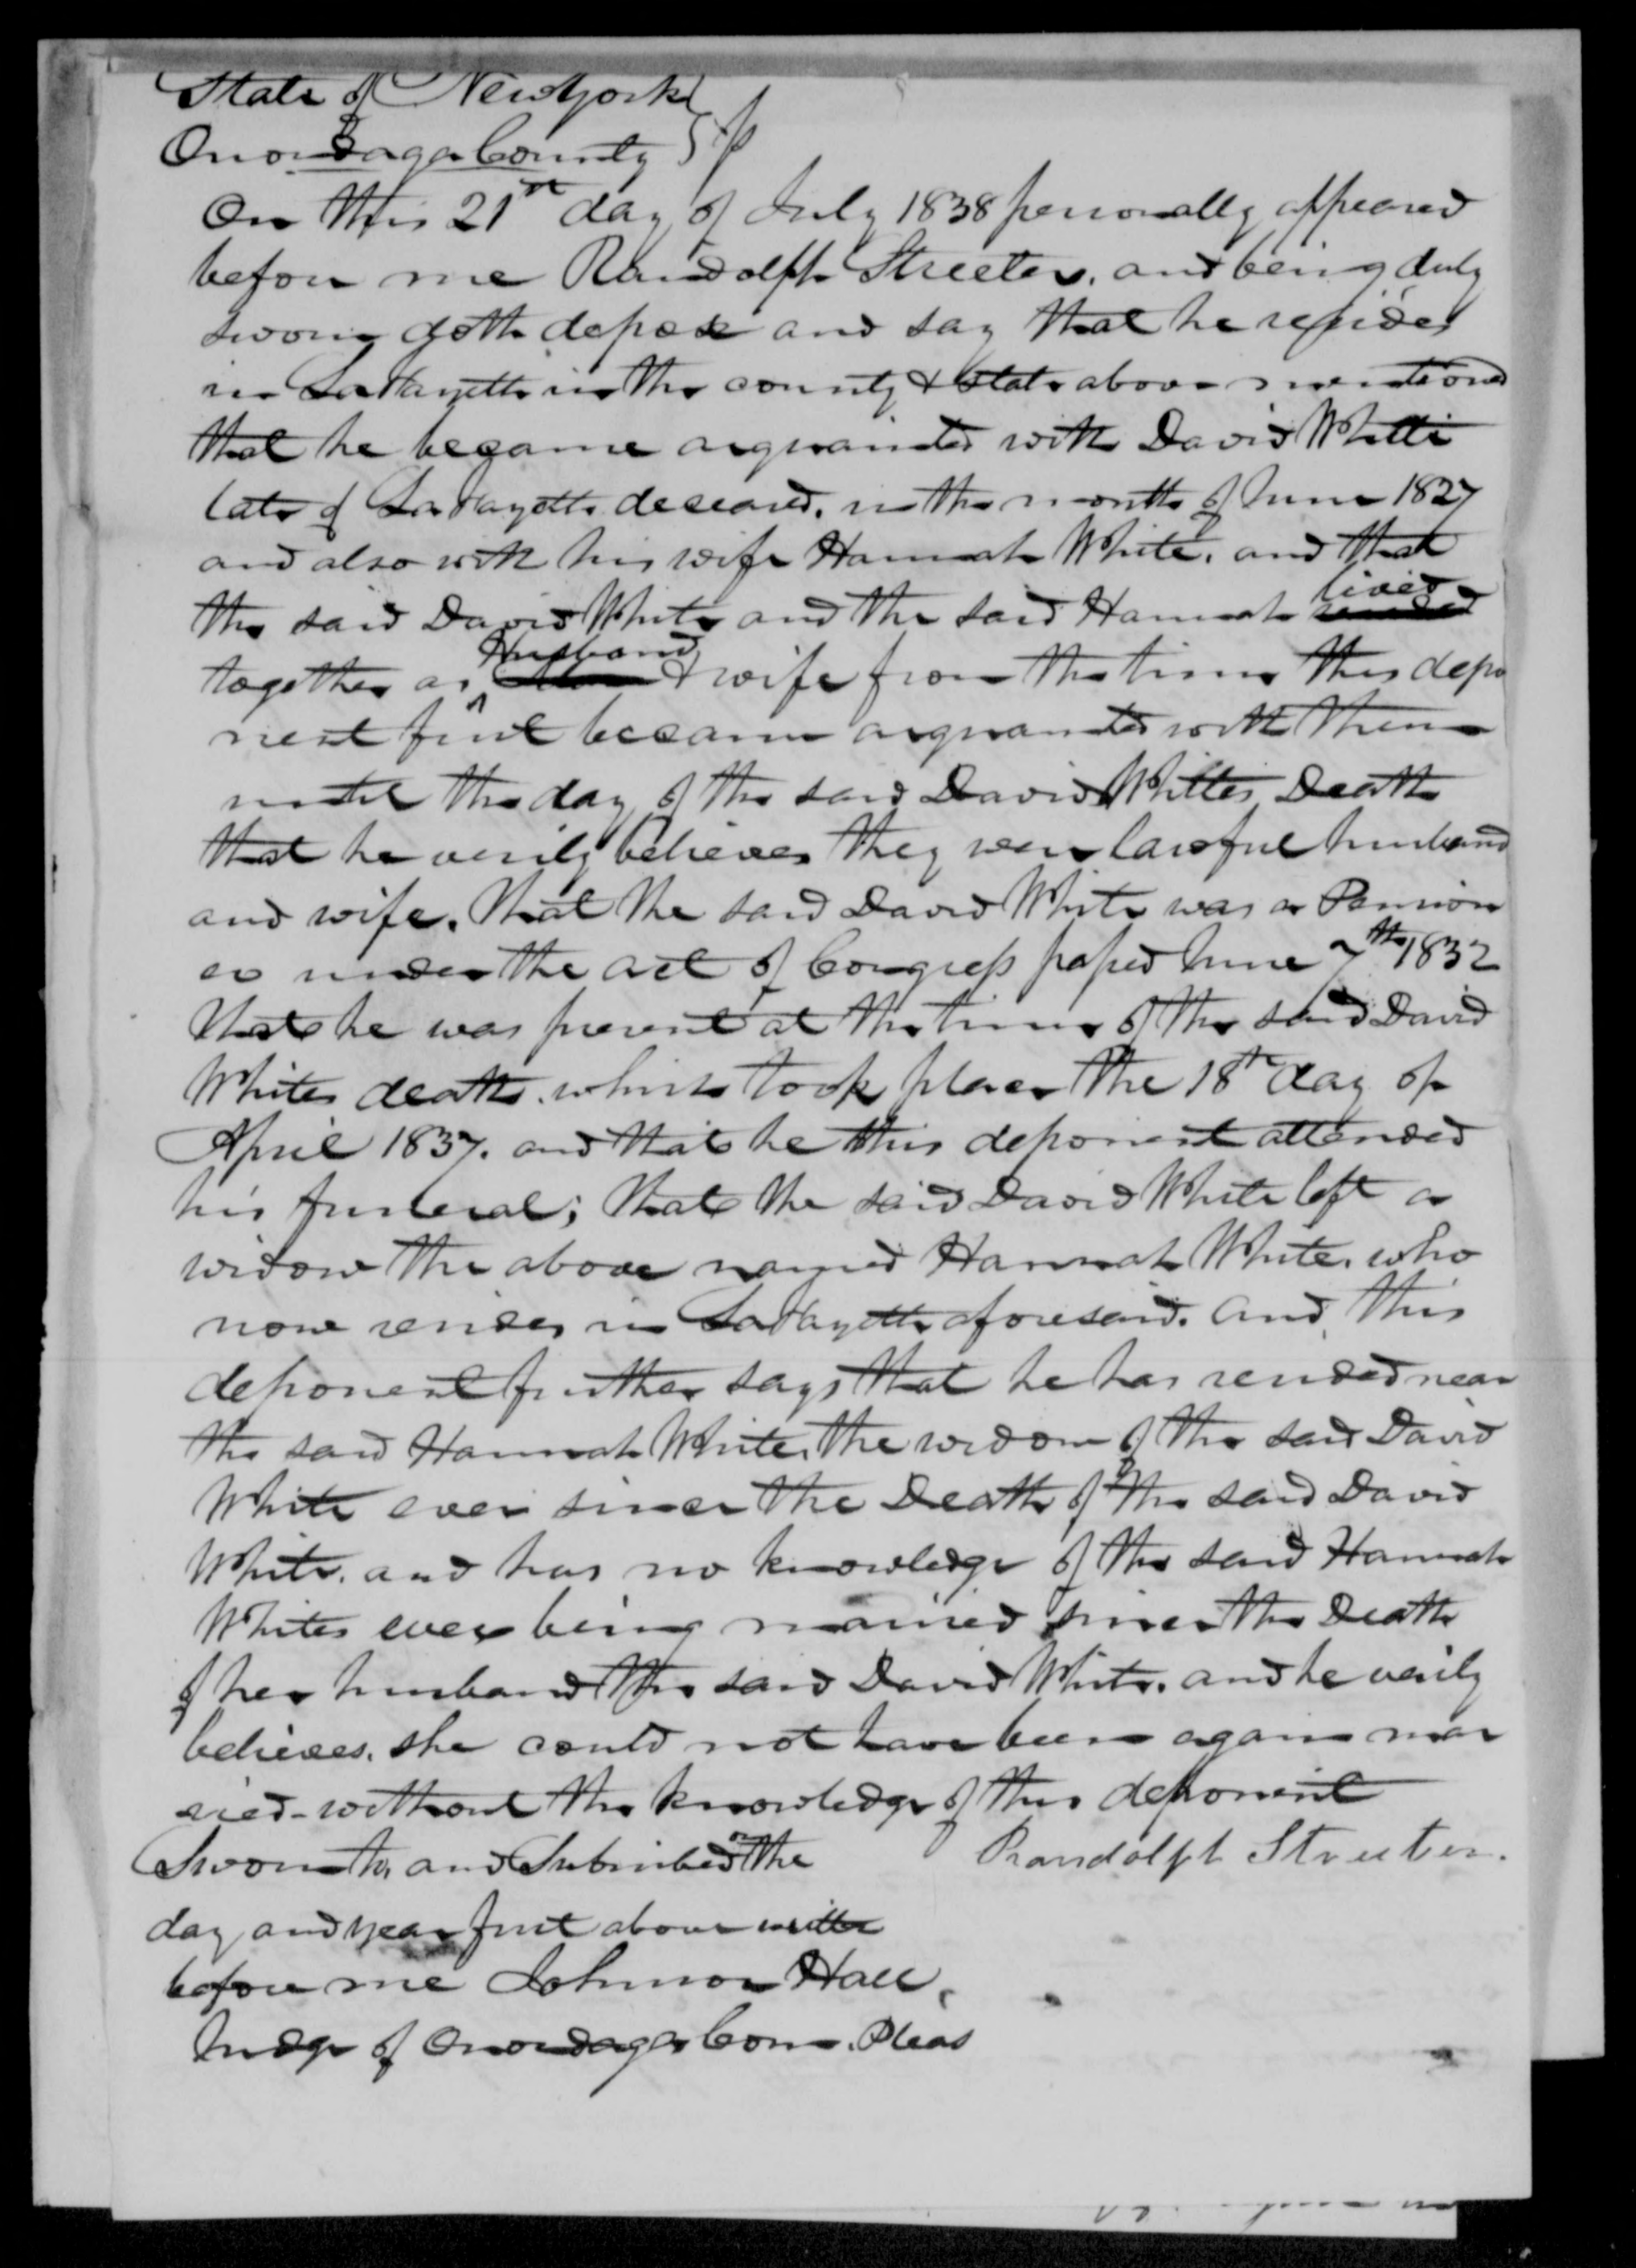State of New York}
Onondaga County} Js

On this 21st day of July 1838 personally appeared before me Randolph Streeter, and being duly sworn doth depose and say that he resides in Lafayette in the County & State above mentioned that he became acquainted with David White late of LaFayette deceased in the month of June 1827 and also with his wife Hannah White, and that the said David White and the said Hannah lived together as ^Husband & wife from the time this deponent first became acquainted with them until the day of the said David White's Death that he verily believes they were lawful husband and wife that. That the said David White was a Pensioner under the act of Congress passed June 7th 1832. That he was present at the time of the said David White's death, which took place the 18th day of April 1837, and that he this deponent attended his funeral; that the said David White left a widow the above named Hannah White, who now resides in LaFayette aforesaid. And this deponent further says that he has resided near the said Hannah White, the widow of the said David White ever since the Death of the said David White, and has no knowledge of the said Hannah White's ever being married since the Death of her husband the said David White, and he verily believes she could not have been again married without the knowledge of this deponent.

Randolph Streeter.

Sworn to and Subscribed on the day and year just above written before me Johnson Hall Judge of Onondaga Comm. Pleas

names: Randolph Streeter, Johnson Hall, David White, Hannah White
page: 14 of 63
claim: widow's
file: W. 18403, David White, Conn.